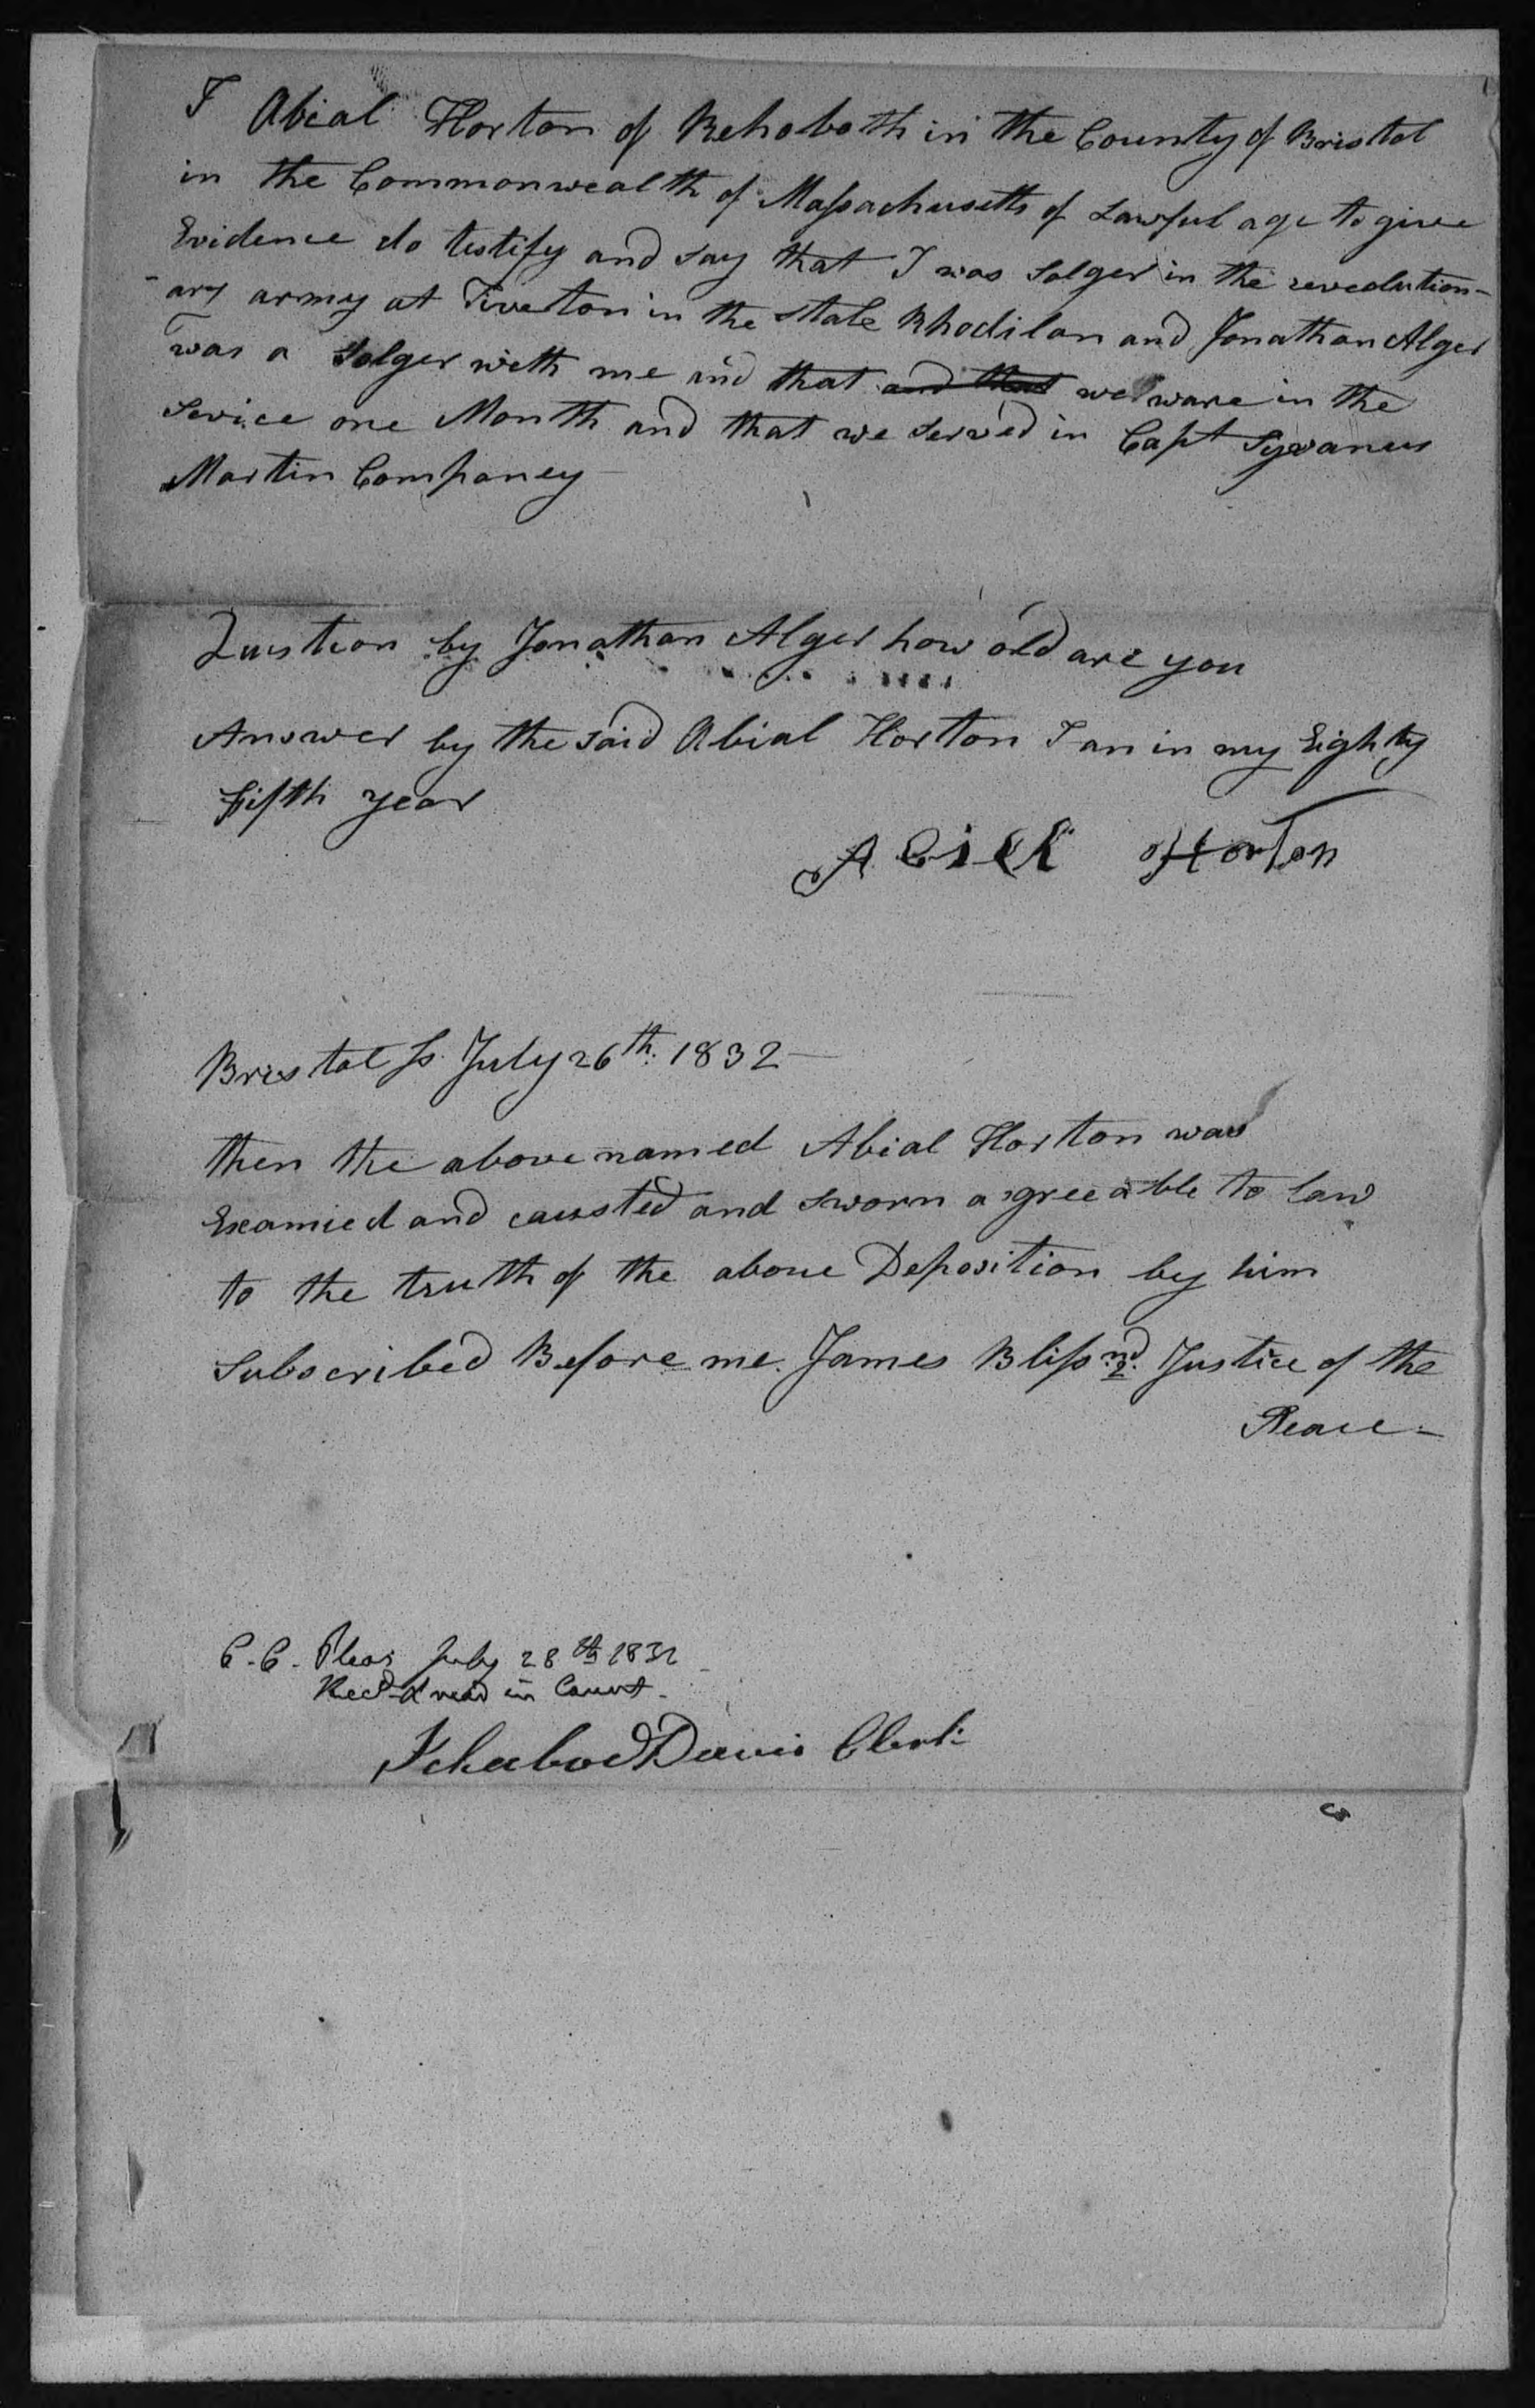I Abial Horton of Rehoboth in the County of Bristol in the Commonwealth of Massachusetts of lawful age to give Evidence do testify and say that I was soldier in the revolutionary army at Tiverton in the state Rhoilon [Rhode Island] and Jonathan Alger service one month and that we served in Capt Sylvanus Martin Company
Question by Jonathan Alger how old are you
Answer by the said Abial Horton I am in my Eighty fifth year
[signature] Abial Horton
Bristol ss July 26th 1832
Then the above named Abial Horton was examied [examined] and causted [cautioned] and sworn agreeable to law to the truth of the above Deposition by him Subscribed Before me James Bliss 2nd Justice of the Peace 
C. C. Pleas July 28th 1832
Rec'd in Court
Ichabod Davis Clerk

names: Abial Horton, Abiel Horton, Jonathan Alger, James Bliss, Jonathan Alger, Abial Horton, Ichabod Davis, Abial Horton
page: 7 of 16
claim: survivor's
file: S. 21040, Jonathan Alger, Mass. R. I.